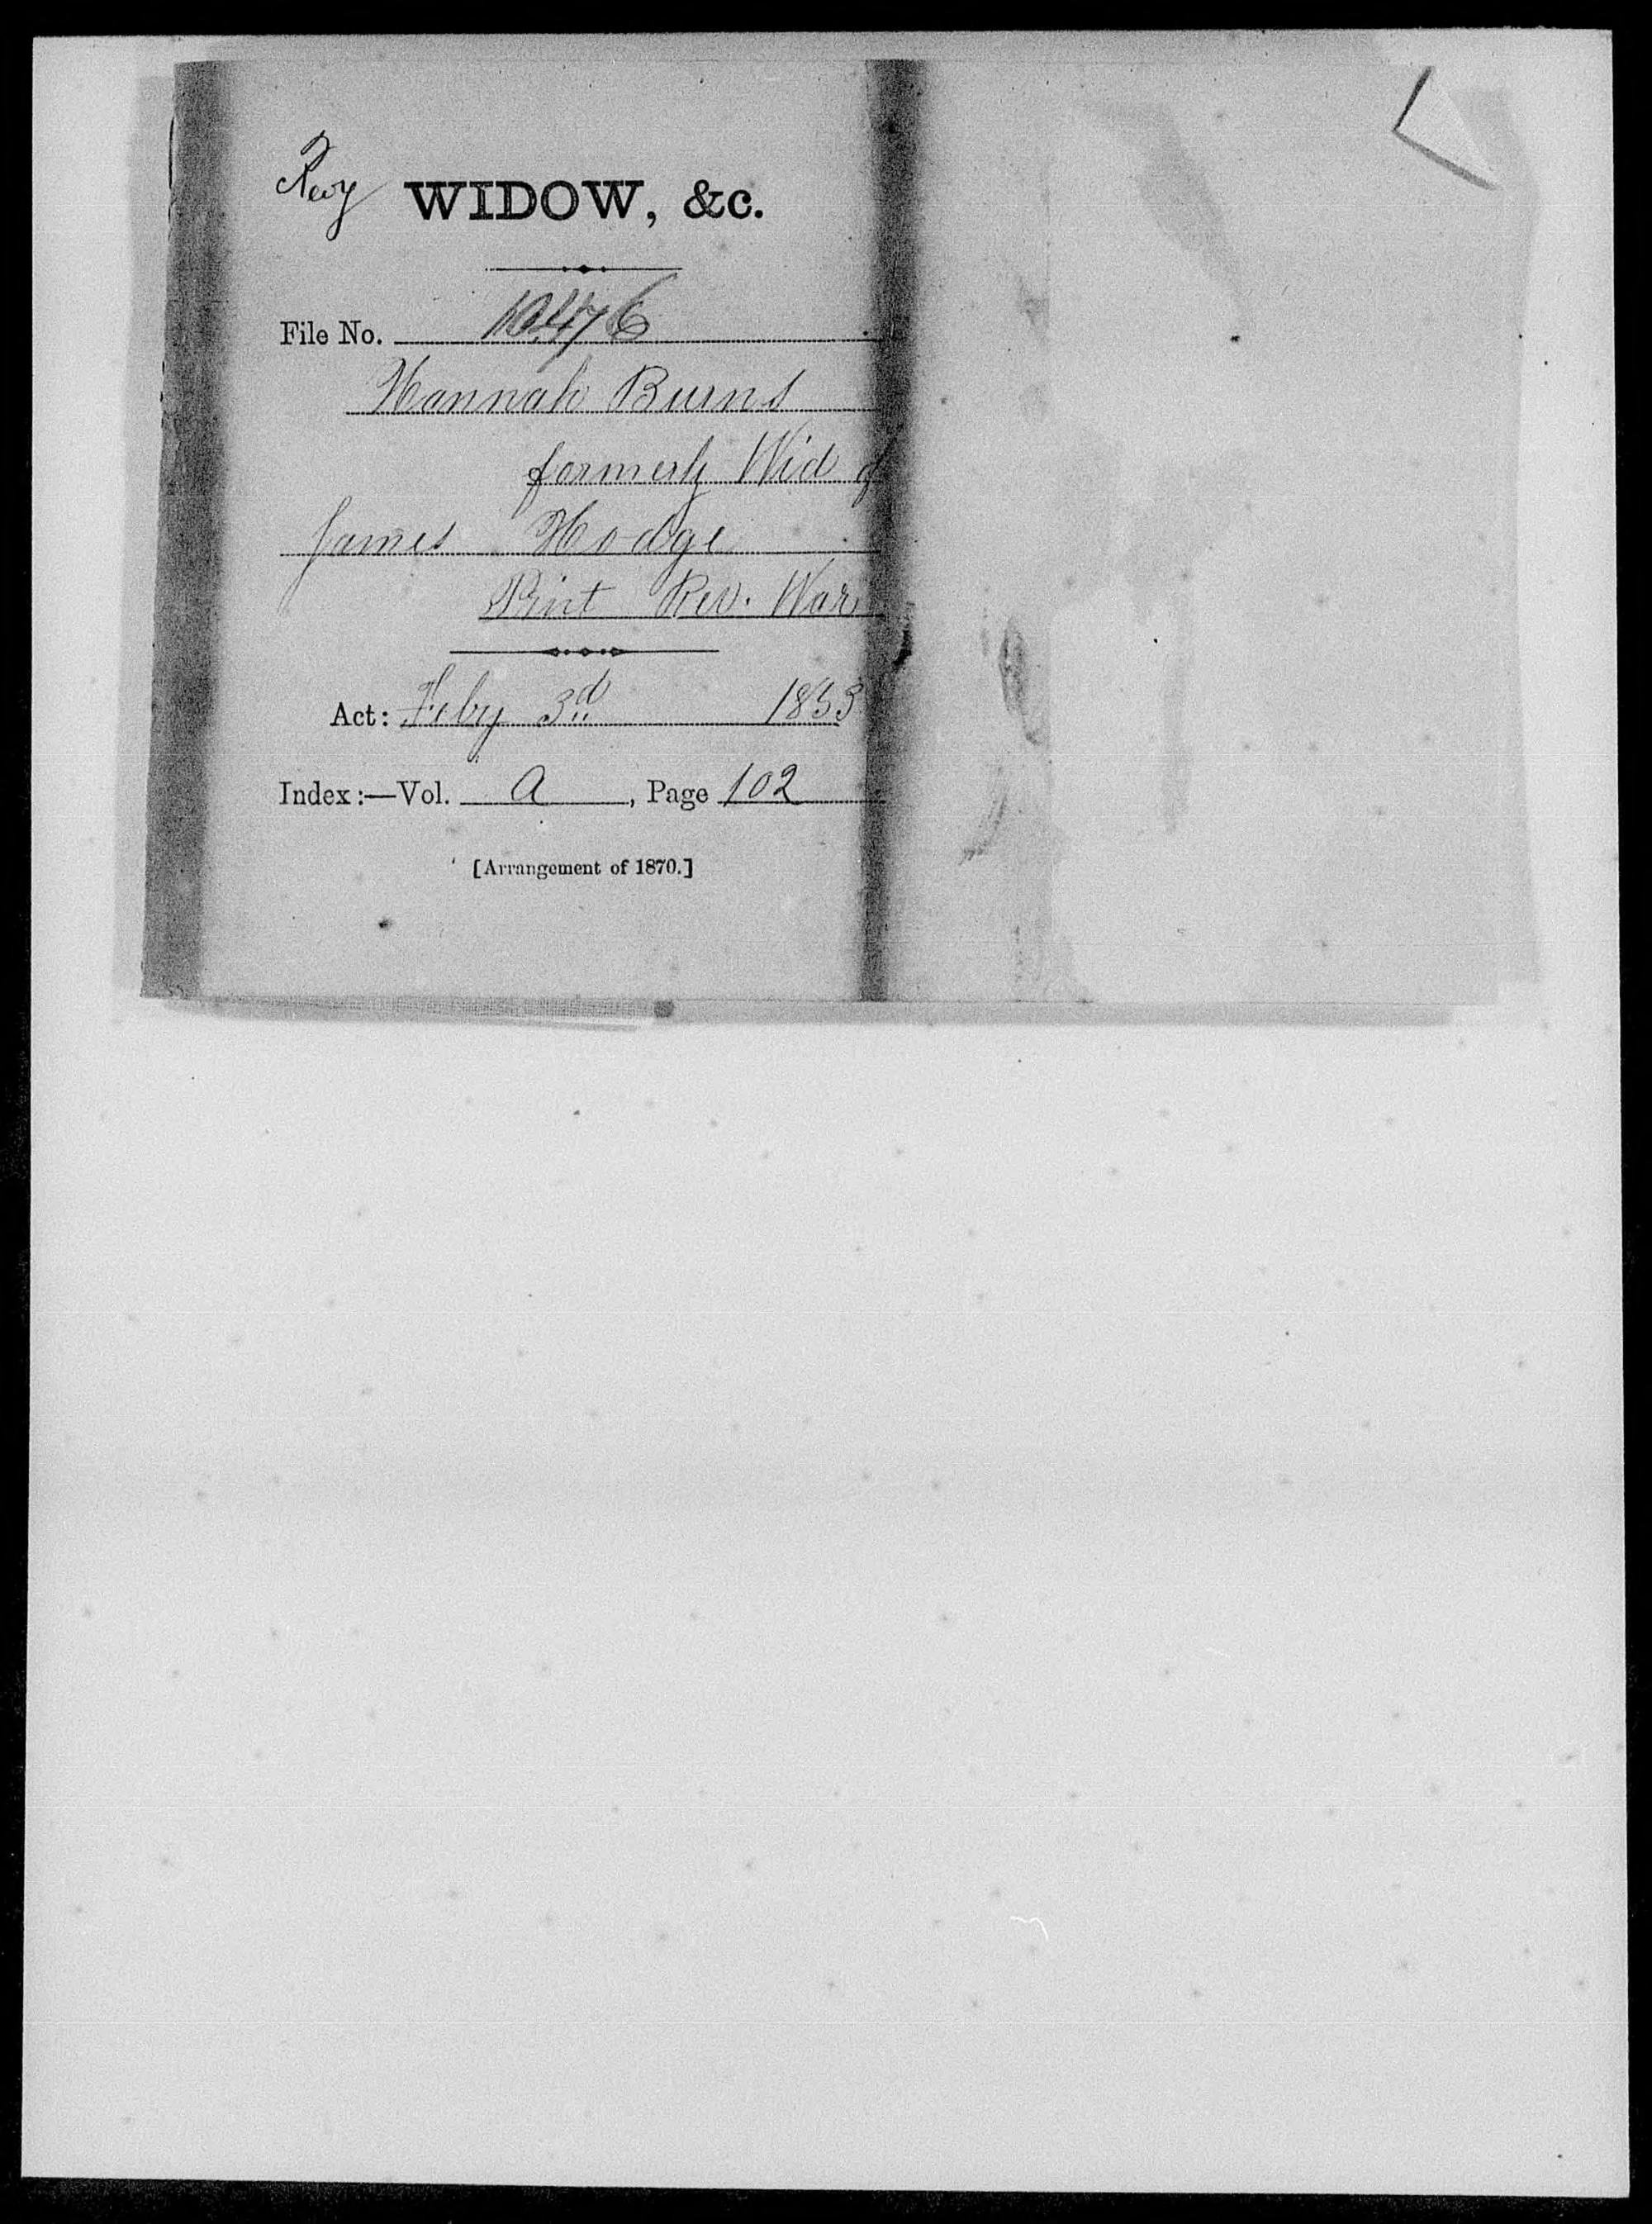WIDOW, &c.

File No. 10476

Hannah Burns
Formerly wife of
James Hodge
Prvt Rev. War

Act: Feby 3rd 1853

Index: -- Vol. a, Page 102

[Arrangement of 1870.]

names: James Hodge, Hannah Burns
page: 9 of 48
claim: widow's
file: W. 10476, James Hodge, New York